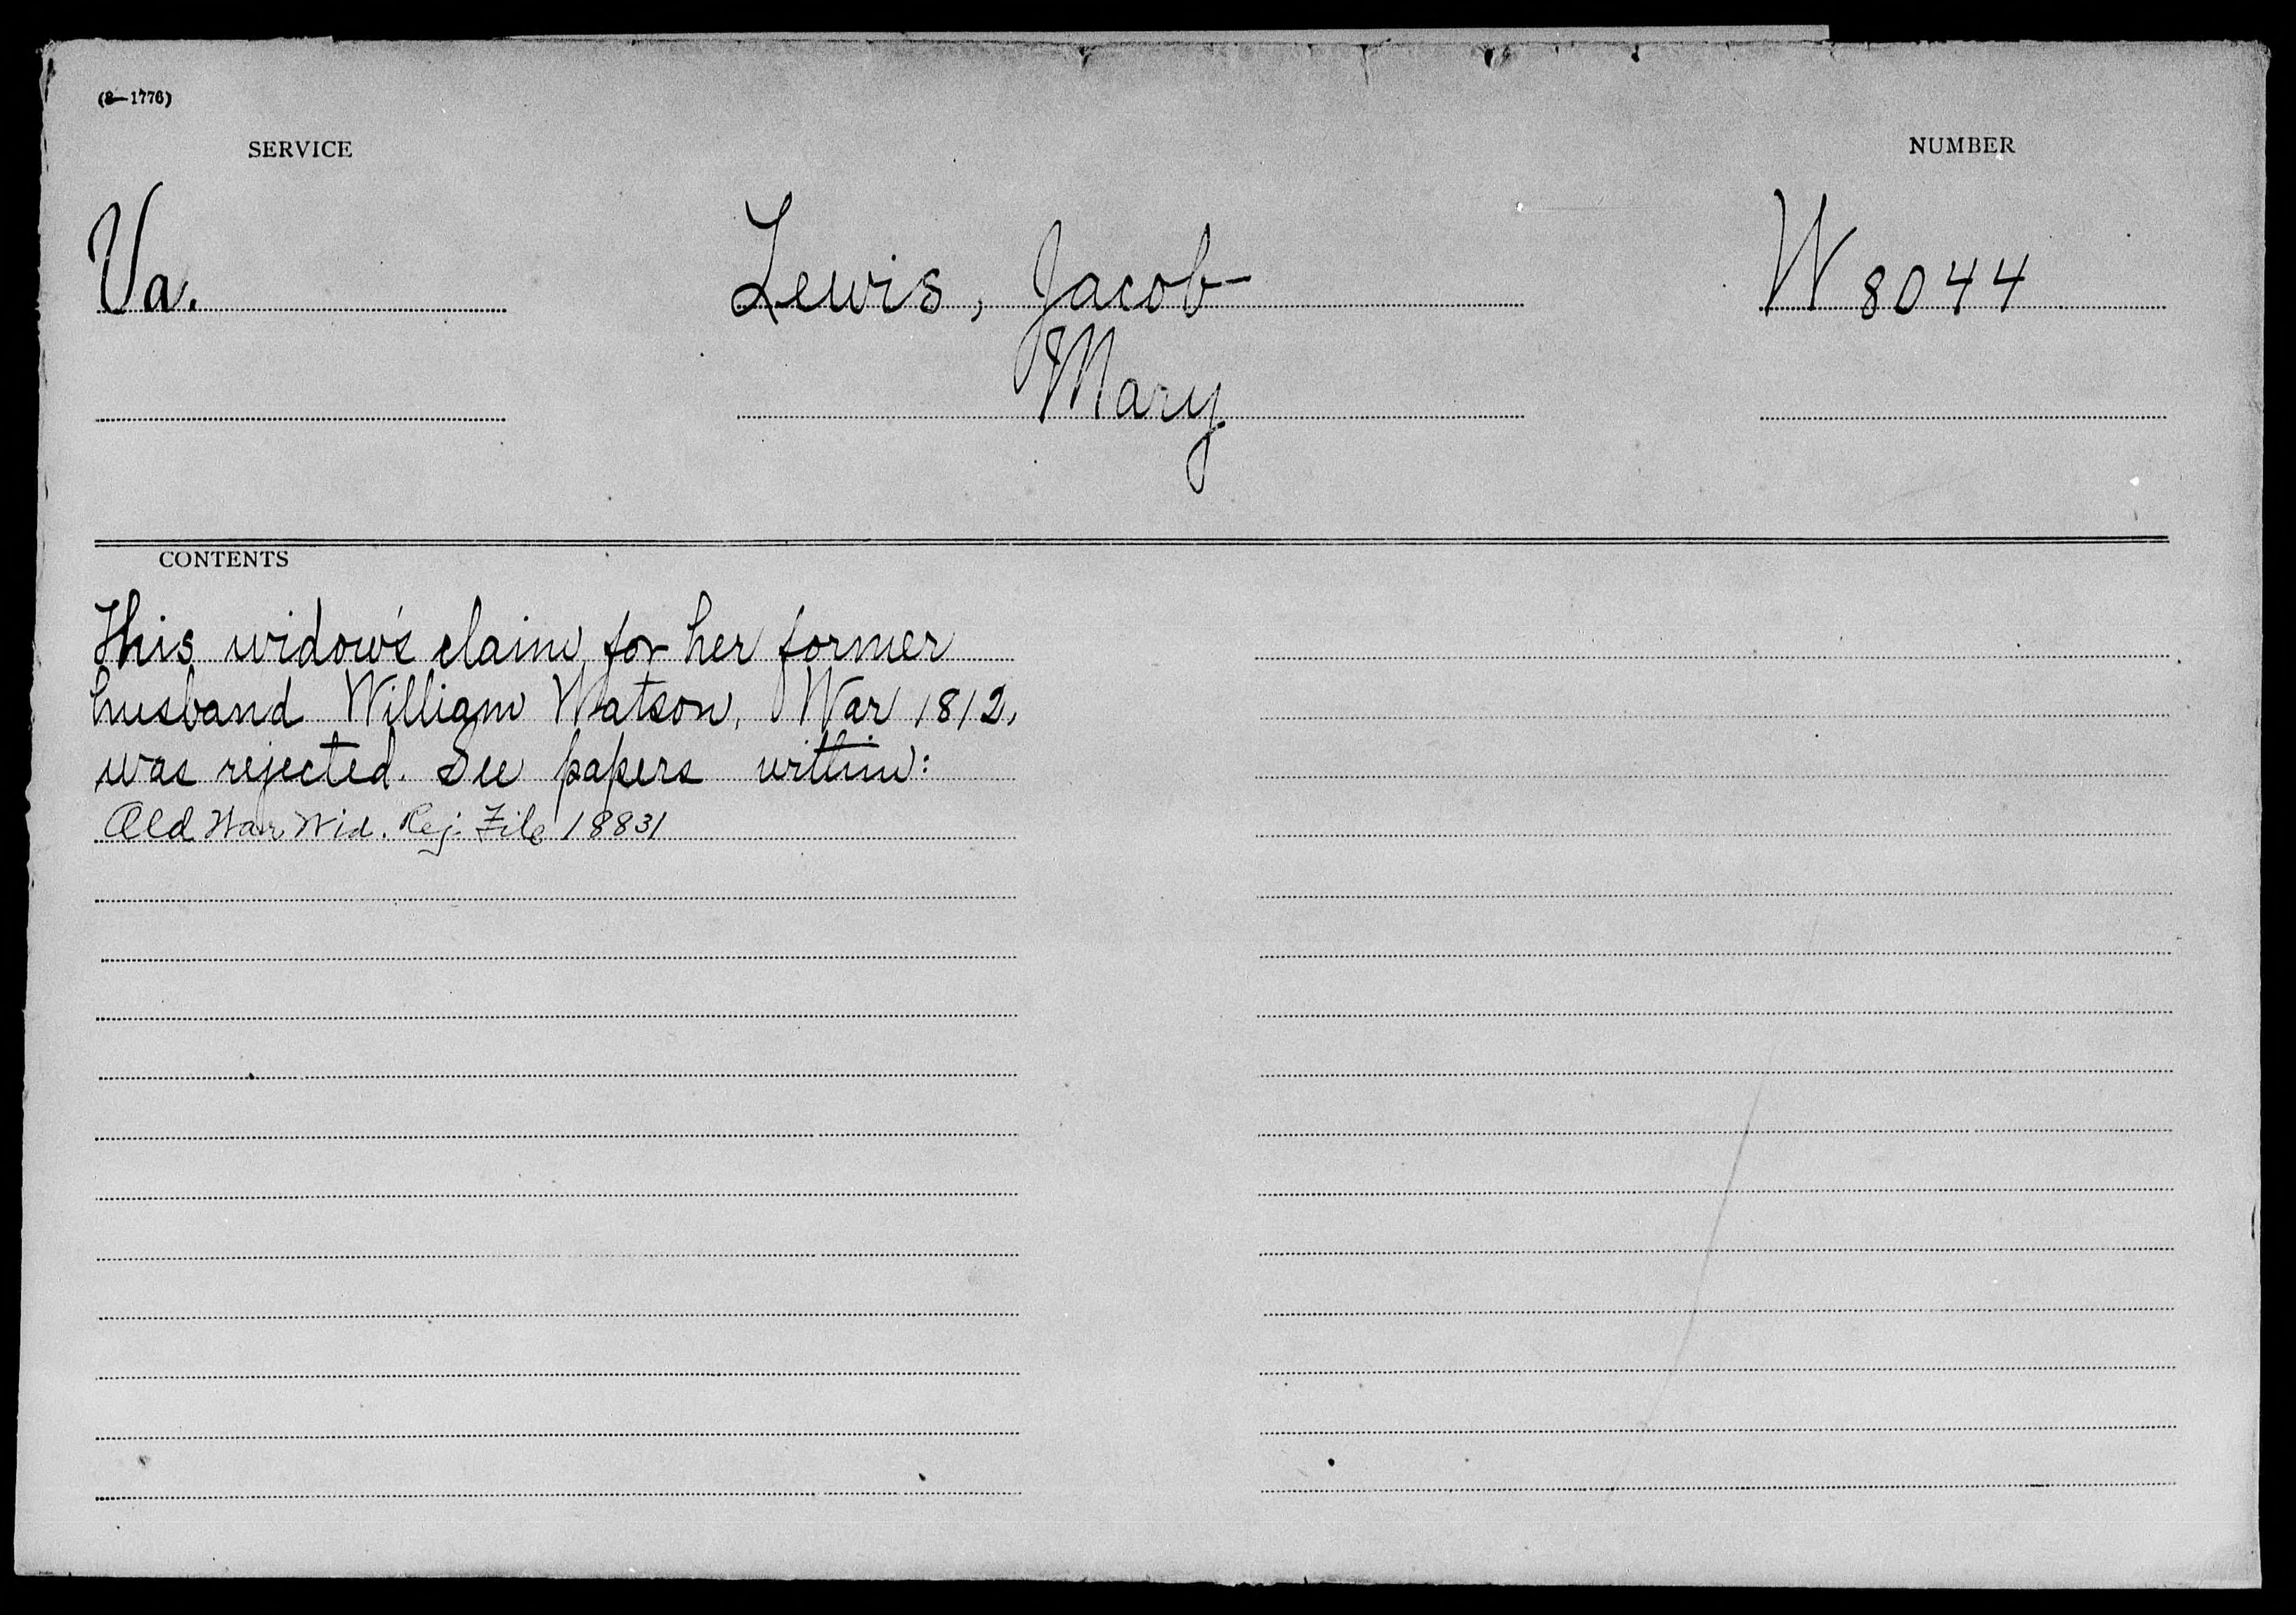(3-1776)

SERVICE
Va. 

Lewis, Jacob
Mary

NUMBER
W 8044

CONTENTS
This widow's claim for her former husband William Watson, War 1812, was rejected. See papers within: Old War Wid. Rej. File 18831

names: William Watson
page: 1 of 69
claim: widow's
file: W 8044, for Jacob Lewis, Virginia